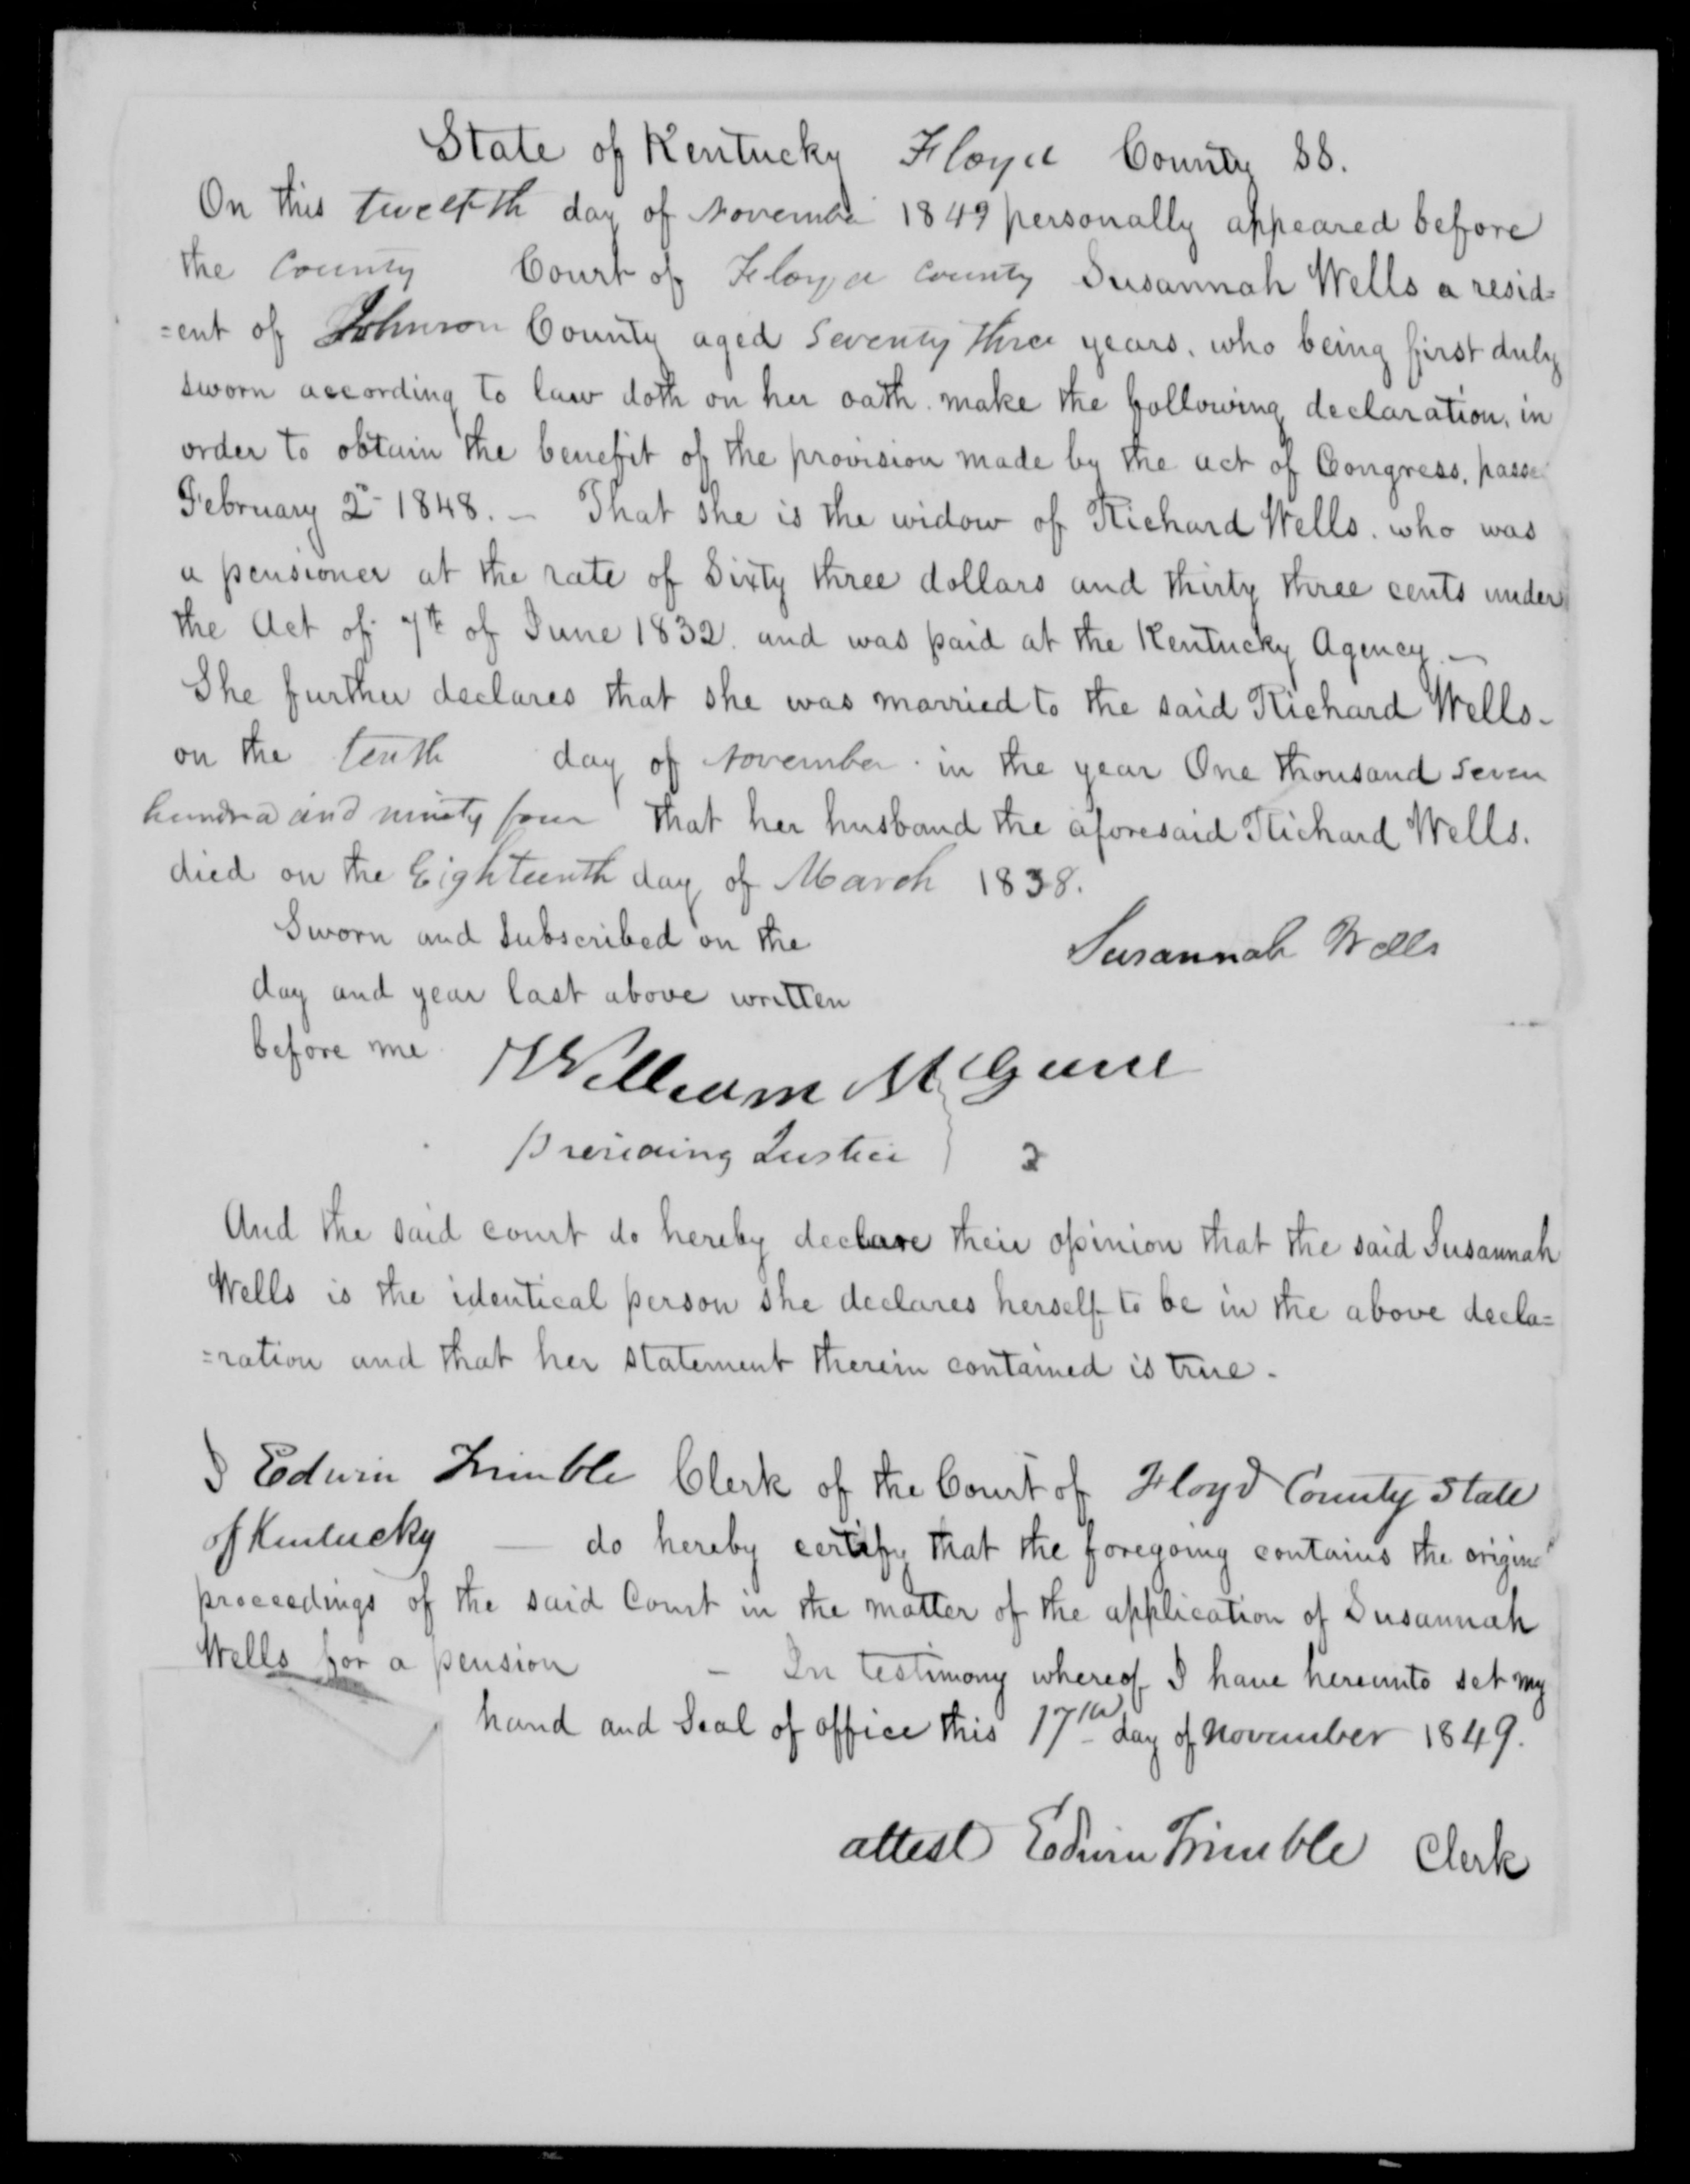State of Kentucky
Floyd County SS.
On this twelfth day of November 1849 personally appeared before
the County Court of Floyd County Susannah Wells a resident
of Johnson County aged Seventy three years, who being first duly
sworn according to law doth on her oath make the following declaration in
order to obtain the benefit of the provision made by the act of Congress, passed
February 2 1848 - That she is the widow of Richard Wells who was a
pensioner at the rate of Sixty three dollars and thirty three cents under the
act of 7th of June 1832 and was paid at the Kentucky Agency -
She further declares that she was married to the said Richard Wellson
the tenth day of November in the year One thousand seven
hundred and ninety four that her husband the aforesaid Richard Wells.
died on the Eighteenth day of March 1838.
Susannah Wells
Sworn and subscribed on the
day and year last above written
before me
William McGuire
Presiding Justice

And the said court do hereby declare their opinion that the said Susannah
Wells is the identical person she declares herself to be in the above declaration
and that her statement therein contained is true.

I Edwin Trimble Clerk of the Court of Floyd County State of
Kentucky do hereby certify that the foregoing contains the original
 proceedings of the said Court in the matter of the application of
 Susannah Wells for a pension.
In testimony whereof I have hereunto set my
hand and seal of office this 17th day of November 1849
attest Edwin Trimble Clerk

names: Edwin Trimble, Susannah Wells, Richard Wells, William Mc Guire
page: 60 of 100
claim: widow's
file: W. 6437, Richard Wells, Ga Va.